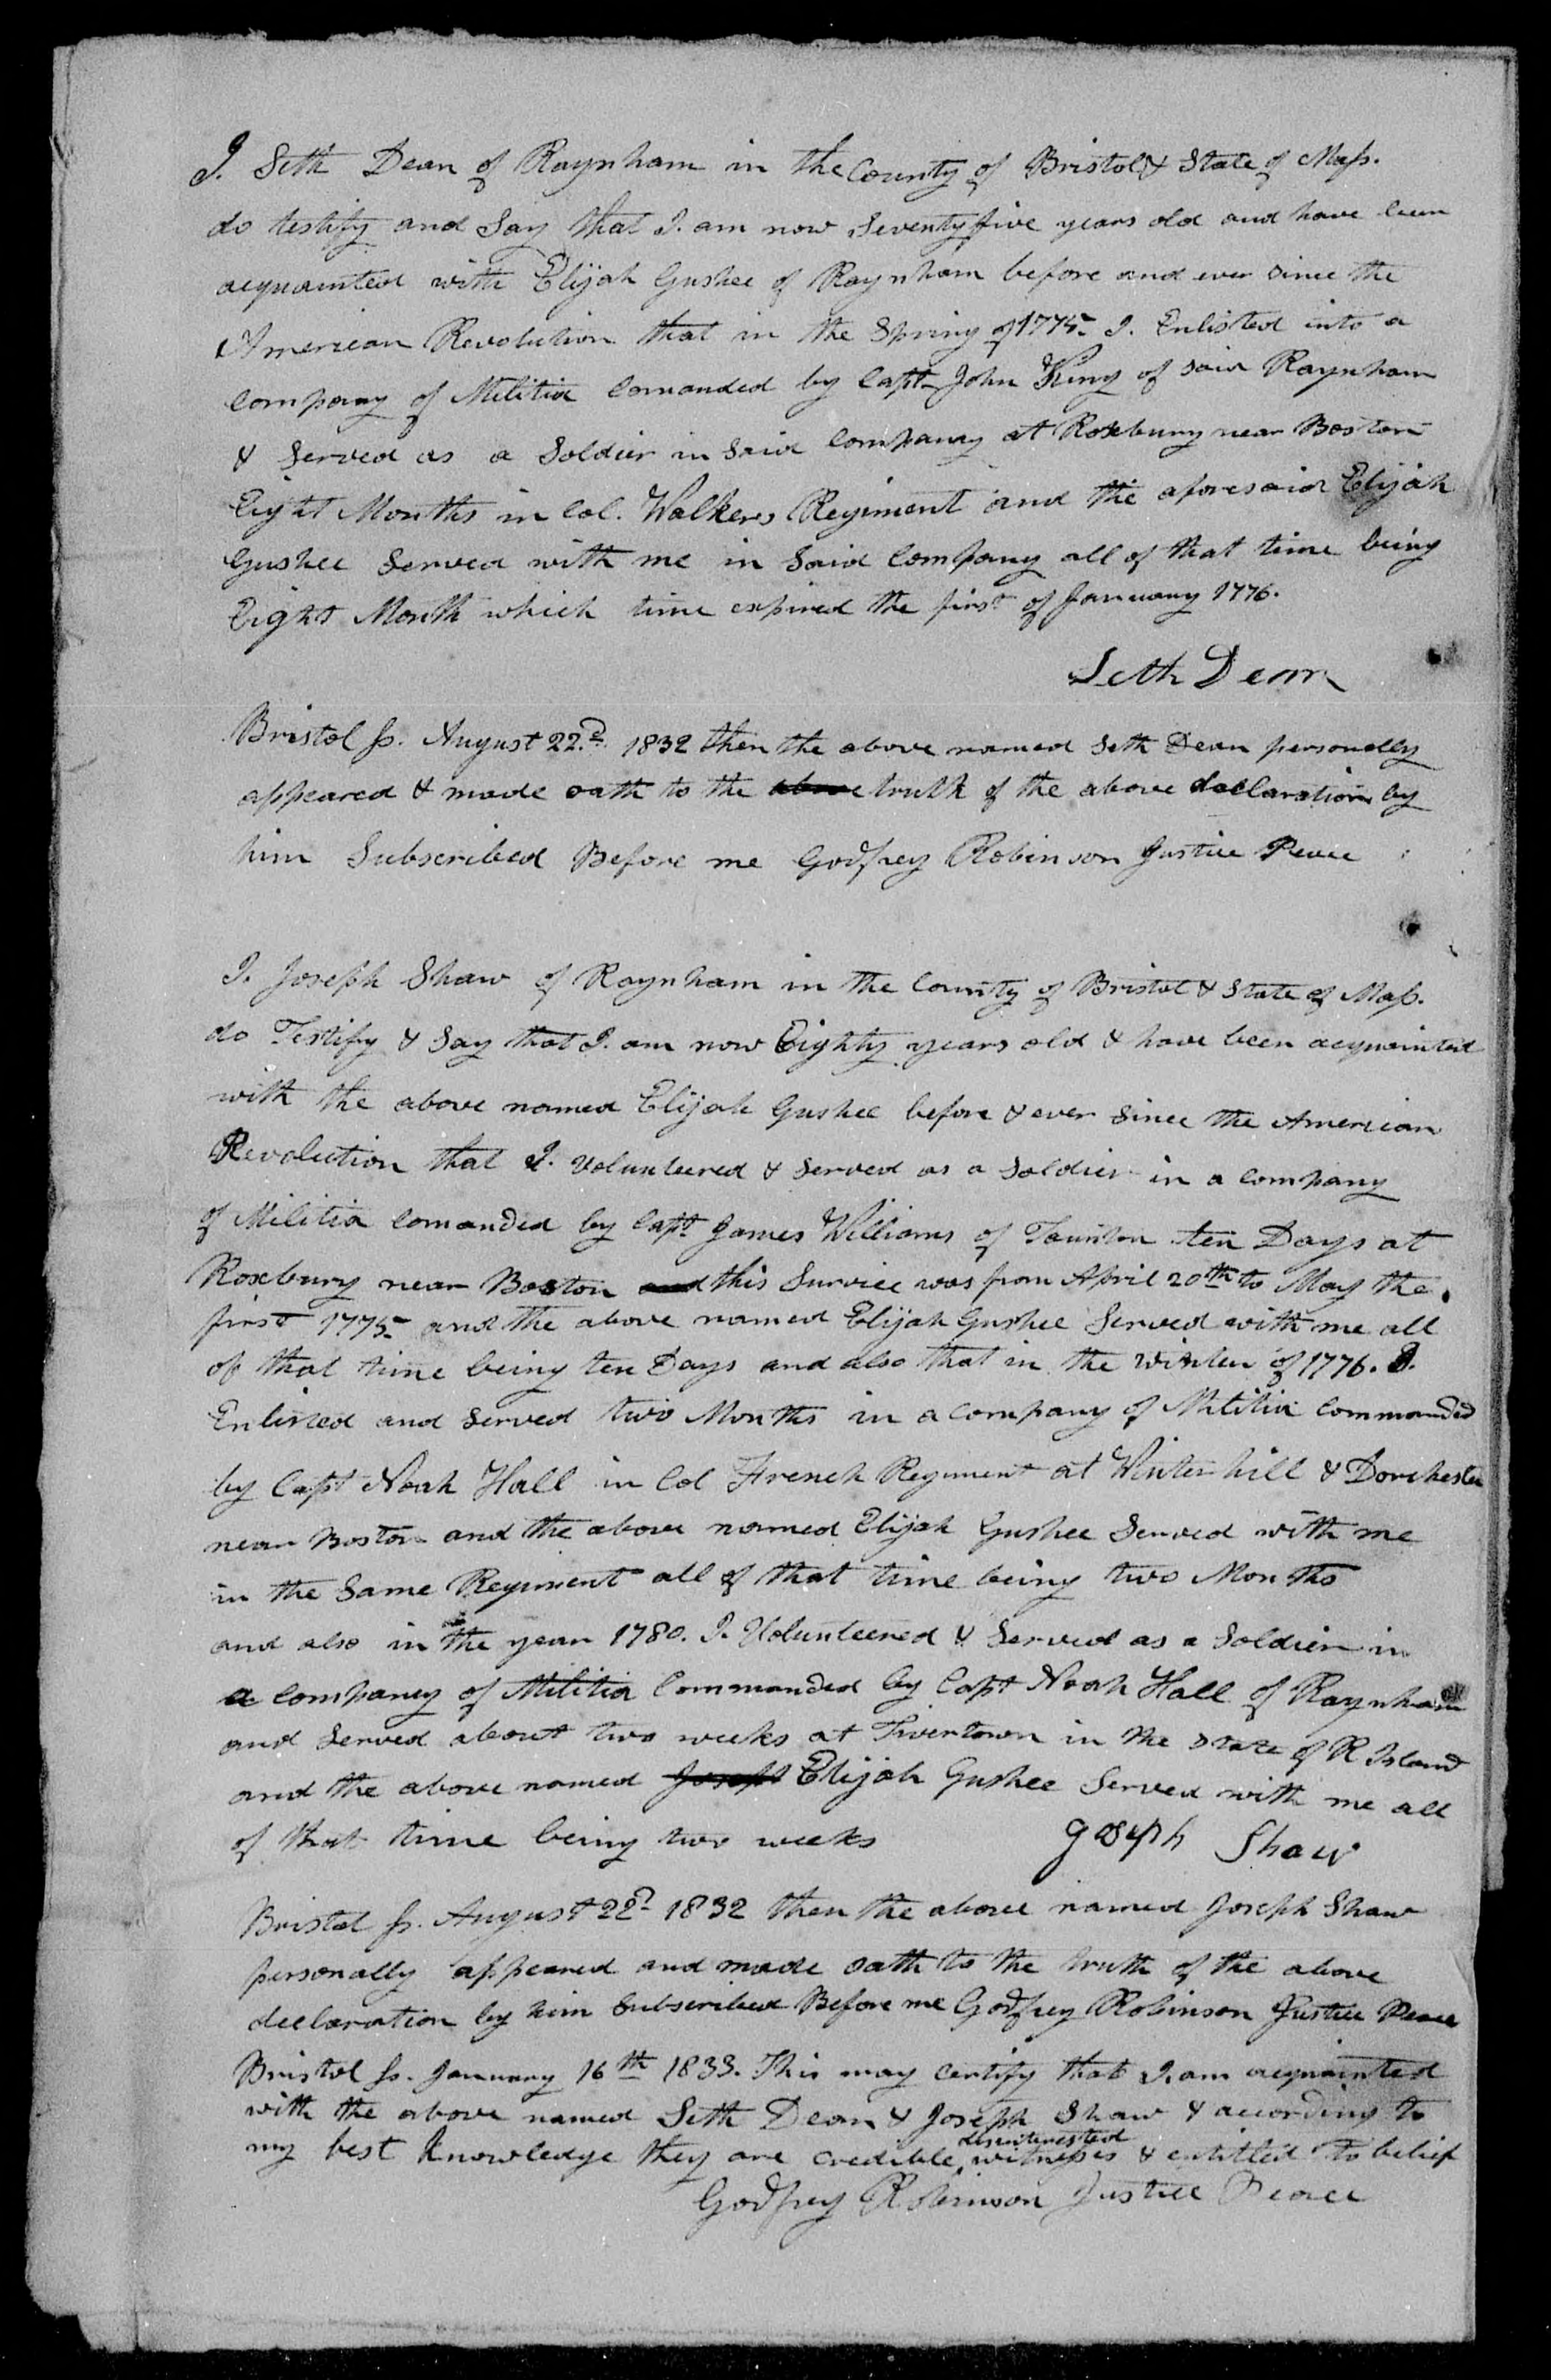I Seth Dean of Raynham in the County of Bristol & State of Mass.
do testify and say that I am now seventy five years old and have been
acquainted with Elijah Gushee of Raynham before and ever since the
American Revolution that in the spring of 1775. I enlisted into a
company of Militia Comanded by Capt John King of said Raynham
& served as a soldier in said company at Roxbury near Boston
Eight months in Col. Walkers Regiment and the aforesaid Elijah
Gushee served with me in said Company all of that time being
Eight Month which time expired the first of January 1776.
Seth Dean

Bristol ss. August 22d 1832 then the above named Seth Dean personally
appeared & made oath to the truth of the above declaration by
him Subscribed before me Godfrey Robinson Justice Peace

I Joseph Shaw of Raynham in the County of Bristol & State of Mass.
do testify & say that I am now Eighty years old & have been acquainted with
the above named Elijah Gushee before & ever since the American
Revolution that I volunteered & served as a soldier in a company
of Militia commanded by Capt James Williams of Taunton ten days at
Roxbury near Boston this service was from April 20th to May the
first 1775 and the above named Elijah Gushee Served with me all
of that time being ten days and also that in the winter of 1776. I
Enlisted and served two months in a company of Militia commanded
by Capt Noah Hall in Col French Regiment at Winter hill & Dorchester
near Boston and the above named Elijah Gushee served with me
in the same Regiment all of that time being two months
and also in the year 1780. I volunteered & service as a soldier in a
company of Militia commanded by Capt Noah Hall of Raynham
and served about two weeks at Tivertown in the State of R. Island
and the above named Elijah Gushee served with me all
of that time being two weeks
Joseph Shaw

Bristol Ss. August 22d 1832 then the above named Joseph Shaw
personally appeared and made oath to the truth of the above
declaration by him subscribed before me Godfrey Robinson Justice Peace

Bristol Ss. January 16th 1833. This may certify that I am acquainted with
the above named Seth Dean & Joseph Shaw & according to
my best knowledge they are credible ^disinterested witnesses & entitled to belief
Godfrey Robinson Justice Peace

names: Elijah Gushee, Seth Dean, Elijah Gushee, Noah Hall, Seth Dean, Elijah Gushee, Seth Dean, Elijah Gushee, Joseph Shaw, Elijah Gushee, Noah Hall, Joseph Shaw, Godfrey Robinson, James Williams, Elijah Gushee, Joseph Shaw, John King, Godfrey Robinson, Joseph Shaw, Godfrey Robinson, Seth Dean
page: 34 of 36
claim: widow's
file: W. 8838, Elijah Gushee, Mass.